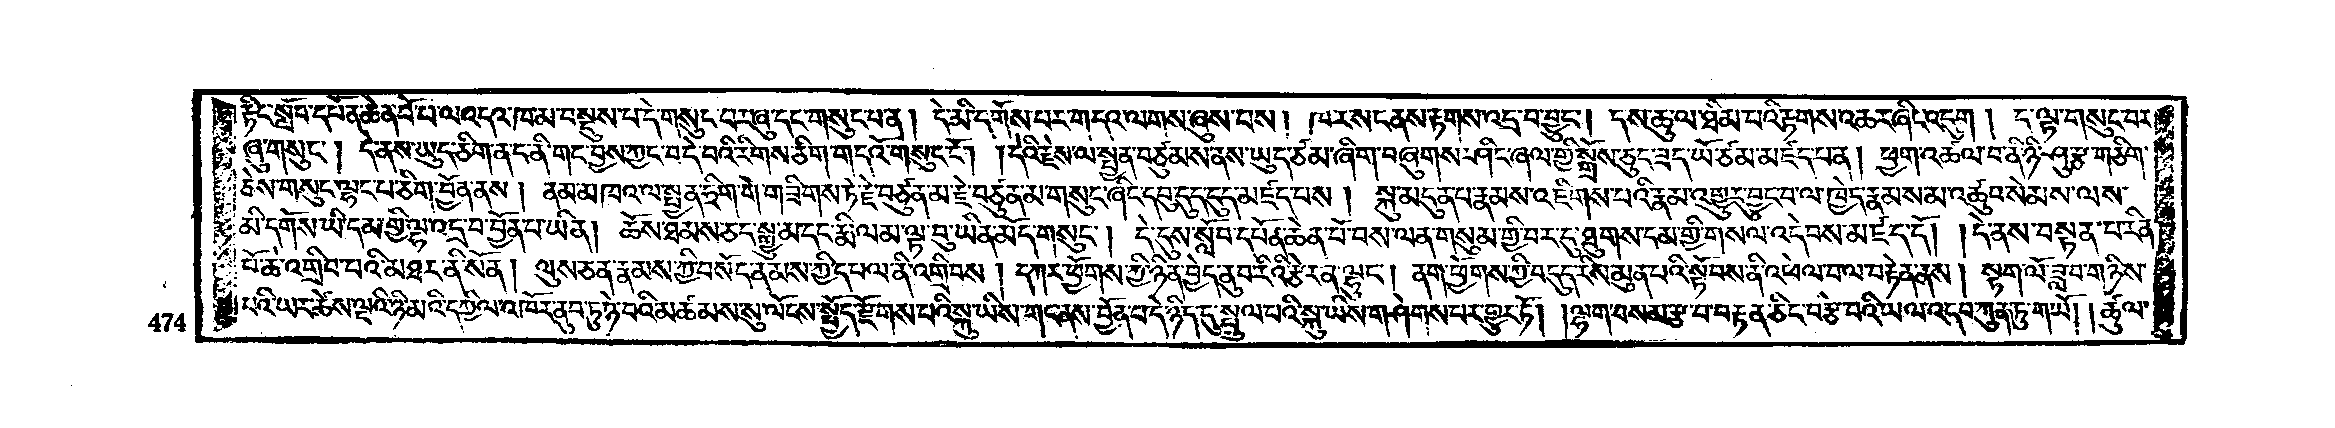རྟིང་སློབ་དཔོན་ཆེན་པོ་པ་ལ་འདའ་ཁ་མ་བསྡུས་པ་དེ་གསུང་བར་ཞུ་དང་གསུང་བ་ན། དེ་མི་དགོས་པར་གདའ་ལགས་ཞུས་པས། ཁར་སང་ནས་རྟགས་འདྲ་བ་བྱུང་། ད་ས་ཆུ་ལ་ཐིམ་པའི་རྟགས་འཆར་ཞིང་འདུག །ད་ལྟ་གསུང་བར་
ཞུ་གསུང་། དེ་ནས་ཡུད་ཅིག་ན་ང་ནི་གང་བྱས་ཀྱང་བདེ་བའི་རིགས་ཅིག་གདའོ་གསུང་ངོ། །དེའི་རྗེས་ལ་སྤྱན་བཙུམས་ནས་ཡུད་ཙམ་ཞིག་བཞུགས་ཤིང་ཞལ་གྱི་སྒྲོས་ཅུང་ཟད་ཡོ་ཙམ་མཛད་པ་ན། ཕྱག་འཚལ་བ་ནི་ཉི་ཤུ་རྩ་གཅིག་
ཅེས་གསུང་ལྷང་པ་ཅིག་བྱོན་ནས། ནམ་མཁའ་ལ་སྤྱན་ཧྲིག་གེ་གཟིགས་ཏེ་རྗེ་བཙུན་མ་རྗེ་བཙུན་མ་གསུང་ཞིང་དབུ་དུད་དུད་མཛད་པས། སྐུ་མདུན་པ་རྣམས་འཇིགས་པའི་རྣམ་འགྱུར་བྱུང་བ་ལ་ཁྱེད་རྣམས་མ་འཚུབ་སེམས་ལས་
མི་དགོས་ཡི་དམ་གྱི་ལྷ་འདྲ་བ་བྱོན་པ་ཡིན། ཆོས་ཐམས་ཅད་སྒྱུ་མ་དང་རྨི་ལམ་ལྟ་བུ་ཡིན་མོད་གསུང་། དེ་དུས་སློབ་དཔོན་ཆེན་པོ་བས་ལན་གསུམ་གྱི་བར་དུ་ཐུགས་དམ་གྱི་གསལ་འདེབས་མཛད་དོ། །དེ་ནས་བསྟན་པ་རིན་
པོ་ཆེ་འགྲིབ་པའི་མཐར་ནི་སོན། ལུས་ཅན་རྣམས་ཀྱི་བསོད་ནམས་ཀྱི་དཔལ་ནི་འགྲིབས། དཀར་ཕྱོགས་ཀྱི་ཉིན་བྱེད་ནུབ་རིའི་རྩེར་ན་ལྷུང་། ནག་ཕྱོགས་ཀྱི་བདུད་རིས་མུན་པའི་སྟོབས་ནི་འཕེལ་བ་ལ་བརྟེན་ནས། སྟག་ལོ་ཟླ་བ་གཉིས་
པའི་ཡར་ཚེས་ལྔའི་ཉི་མའི་དཀྱིལ་འཁོར་ནུབ་ཏུ་ཉེ་བའི་མཚམས་སུ་ལོངས་སྤྱོད་རྫོགས་པའི་སྐུ་ཡིས་གང་ནས་བྱོན་པ་དེ་ཉིད་དུ་སྤྲུལ་པའི་སྐུ་ཡིས་གཤེགས་པར་གྱུར་ཏོ། །ལྷག་བསམ་རྩ་བ་བརྟན་ཅིང་བརྩེ་བའི་ཡལ་འདབ་ཀུན་ཏུ་གཡོ། །ཚུལ་